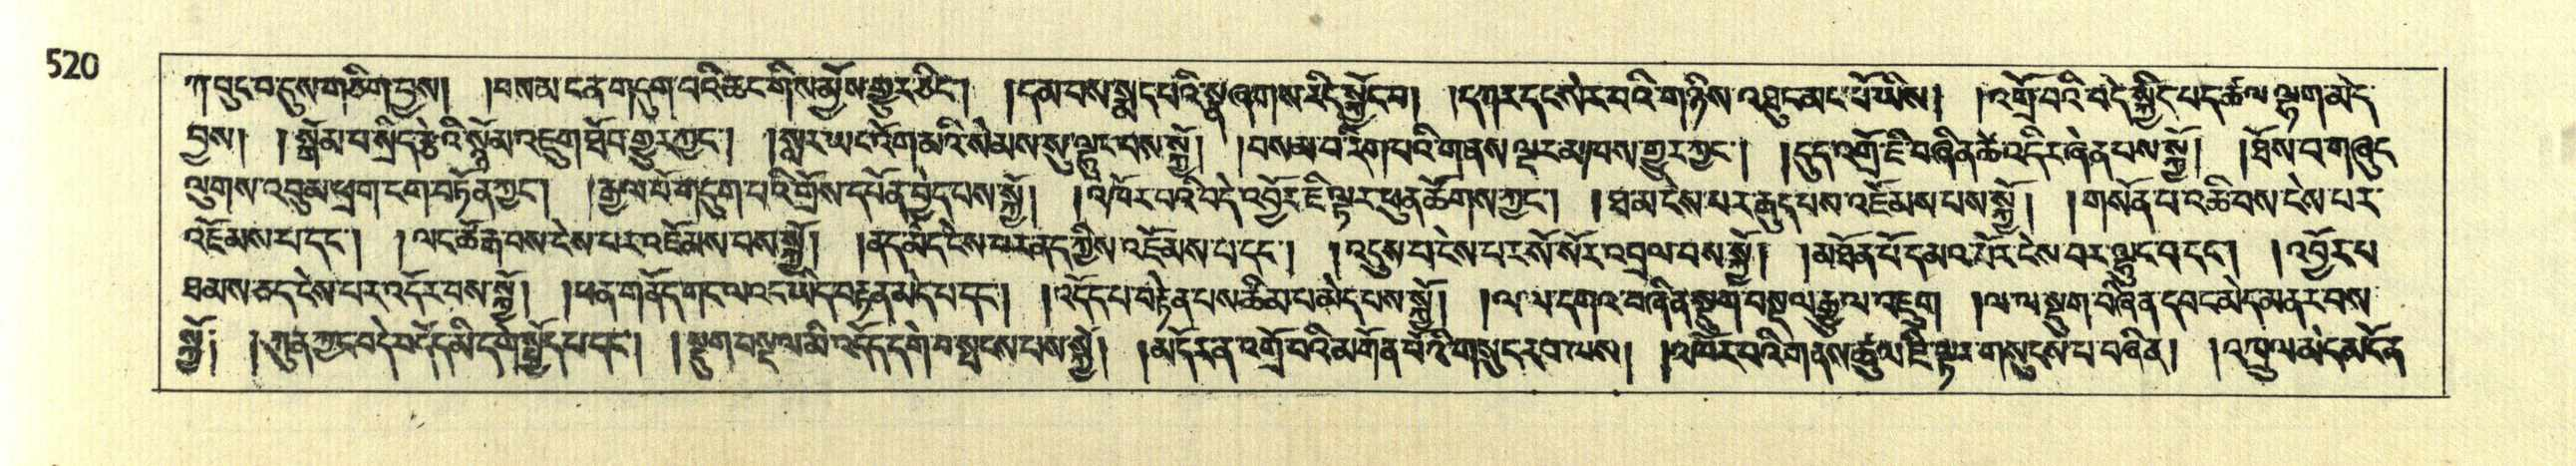ཀ་པུང་བ་དུས་གཅིག་བྱས། །བསམ་ངན་གདུག་པའི་ཆང་གིས་མྱོང་གྱུར་ཅིང་། །དམ་བས་སྨད་པའི་སྣ་ཞགས་རིང་སྐྱོང་བ། །དཀར་དང་སེར་བའི་གཉིས་འཐུང་མང་པོ་ཡིས། །འགྲོ་བའི་བདེ་སྐྱིད་པད་ཚལ་ལྷག་མེད་
བྱས། །སྒོམ་པ་སྲིད་རྩེའི་སྙོམ་འཇུག་ཐོབ་གྱུར་ཀྱང་། །སླར་ཡང་འོག་མའི་སེམས་སུ་ལྷུང་བས་སྐྱོ། །བསམ་བ་རིག་པའི་གནས་ལྡར་མཁས་གྱུར་ཀྱང་། །དུད་འགྲོ་ཇི་བཞིན་ཚེ་འདིར་ཞེན་པས་སྐྱོ། །ཐོས་བ་གཞུང་
ལུགས་འབུམ་ཕྲག་ངག་བཏོན་ཀྱང་། །རྒྱལ་པོ་གདུག་པའི་གྲོས་དཔོན་བྱེད་པས་སྐྱོ། །འཁོར་བའི་བདེ་འབྱོར་ཇི་ལྟར་ཕུན་ཚོགས་ཀྱང་། །ཐ་མ་ངེས་པར་རྒུད་པས་འཇོམས་པས་སྐྱོ། །གསོན་པ་འཆི་བས་ངེས་པར་
འཇོམས་པ་དང་། །ལང་ཆོ་རྟ་བས་ངེས་པར་འཇོམས་པས་སྐྱོ། །ནད་མེད་ངེས་པར་ནད་ཀྱིས་འཇོམས་པ་དང་། །འདུས་པ་ངེས་པར་སོ་སོར་འབྲལ་བས་སྐྱོ། །མཐོན་པོ་དམའ་པོར་ངེས་བར་ལྷུང་བ་དང་། །འབྱོར་པ་
ཐམས་ཅད་ངེས་པར་འདོར་བས་སྐྱོ། །ཕན་གནོད་གང་ལའང་ཡིད་བརྟན་མེད་པ་དང་། །འདོད་པ་བརྟེན་པས་ཚིམ་པ་མེད་པས་སྐྱོ། །ལ་ལ་དགའ་བཞིན་སྡུག་བསྔལ་རྒྱུ་ལ་འཇུག །ལ་ལ་སྡུག་བཞིན་དབང་མེད་མནར་བས་
སྐྱོ༑ ༑ཀུན་ཀྱང་བདེ་བདོད་མི་དགེ་སྦྱོད་པ་དང་། །སྡུག་བསྔལ་མི་འདོད་གེ་བ་སྤངས་པས་སྐྱོ། །མདོར་ན་འགྲོ་བའི་མགོན་པོའི་གསུང་རབ་ལས། །འཁོར་བའི་གནས་ཚུལ་ཇི་ལྟར་གསུངས་པ་བཞིན། །འཁྲུལ་མེད་མངོན་